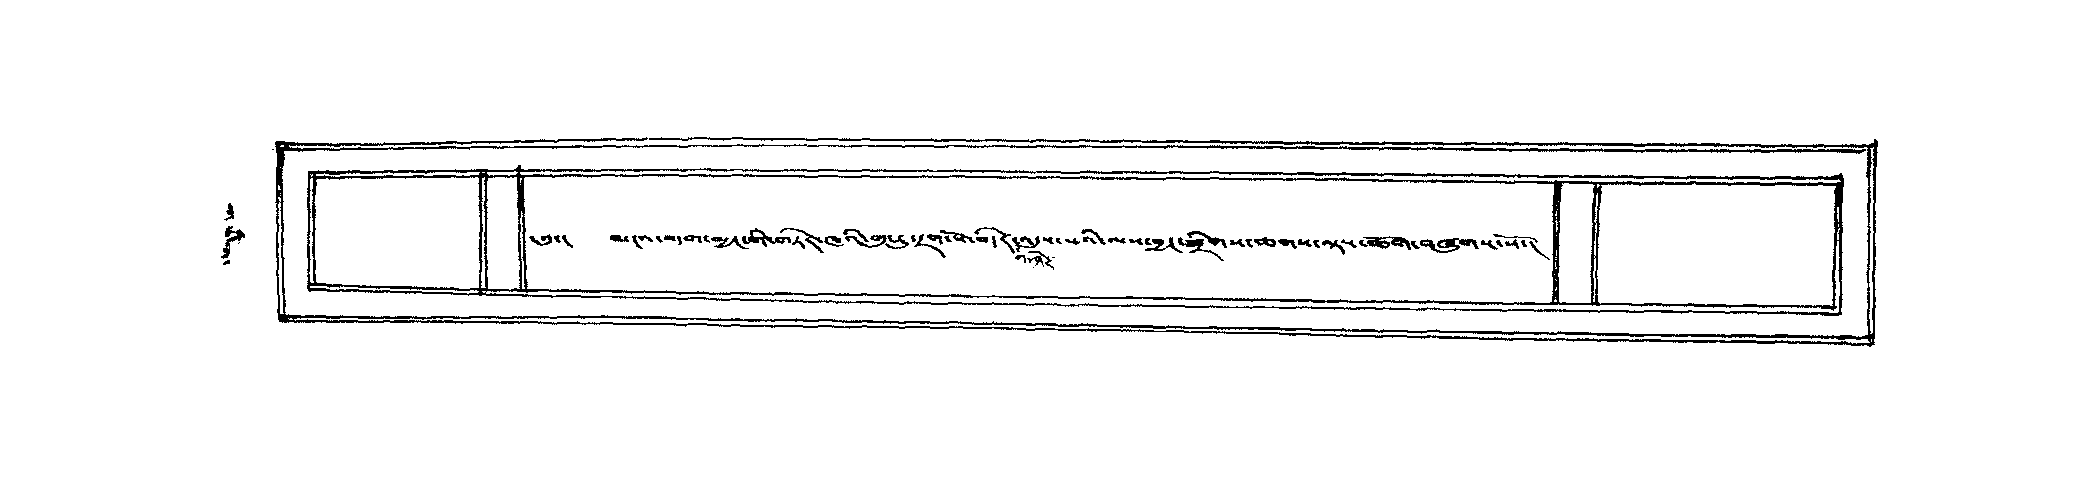༄༅། མངའ་བདག་གམཡང་གི་གཏེར་ཁའི་གུ་རུ་དྲག་པོ་བདེར་བཤེགས་འདུས་པའི་ལས་བྱང་སྒྲིགས་ཆགས་བལྟས་ཆོག་བཞུགས་སོ།